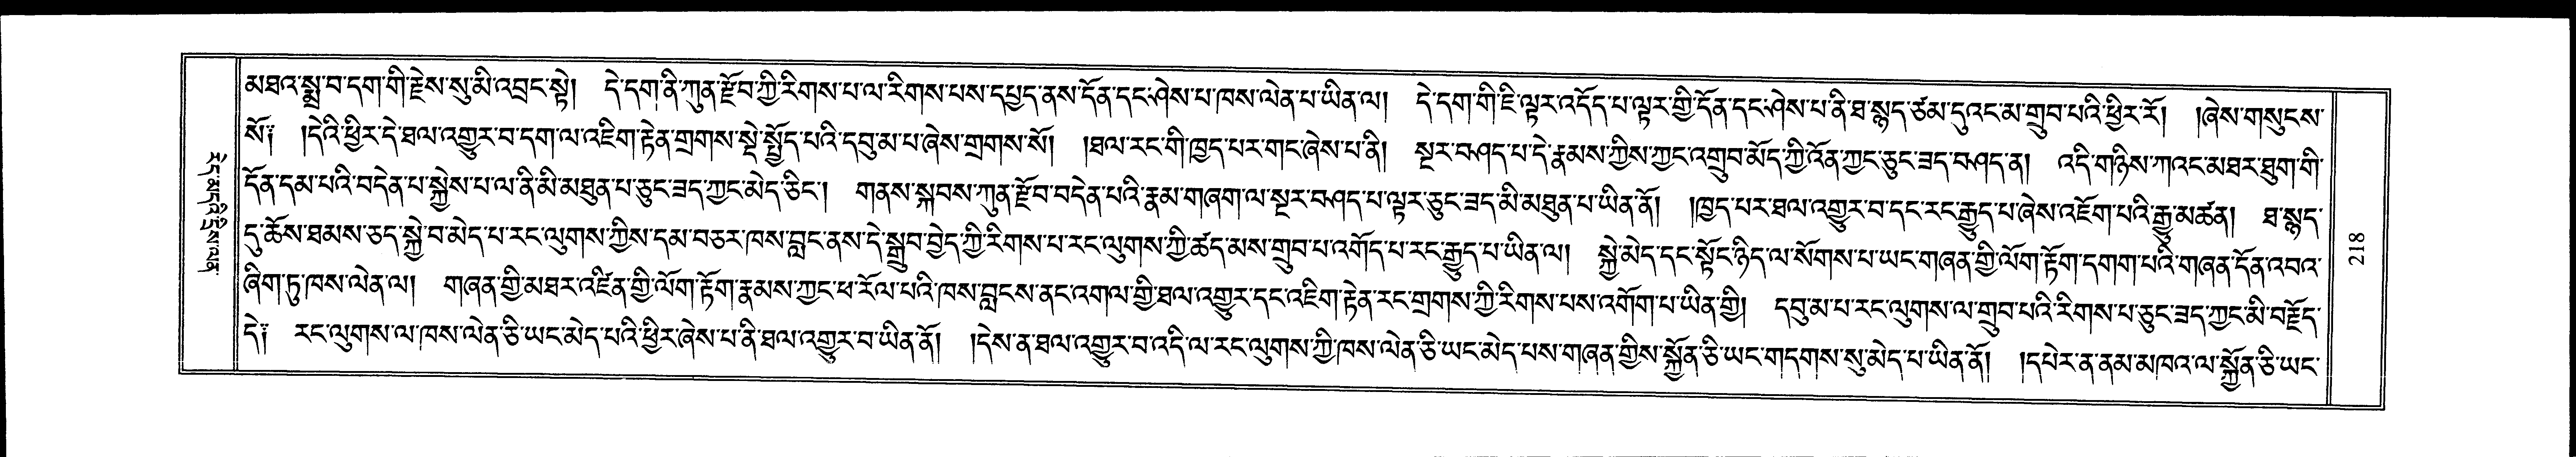མཐའ་སྨྲ་བ་དག་གི་རྗེས་སུ་མི་འབྲང་སྟེ། དེ་དག་ནི་ཀུན་རྫོབ་ཀྱི་རིགས་པ་ལ་རིགས་པས་དཔྱད་ནས་དོན་དང་ཤེས་པ་ཁས་ལེན་པ་ཡིན་ལ། དེ་དག་གི་ཇི་ལྟར་འདོད་པ་ལྟར་གྱི་དོན་དང་ཤེས་པ་ནི་ཐ་སྙད་ཙམ་དུའང་མ་གྲུབ་པའི་ཕྱིར་རོ། །ཞེས་གསུངས་
སོ། །དེའི་ཕྱིར་དེ་ཐལ་འགྱུར་བ་དག་ལ་འཇིག་རྟེན་གྲགས་སྡེ་སྤྱོད་པའི་དབུ་མ་པ་ཞེས་གྲགས་སོ། །ཐལ་རང་གི་ཁྱད་པར་གང་ཞེས་པ་ནི། སྔར་བཤད་པ་དེ་རྣམས་ཀྱིས་ཀྱང་འགྲུབ་མོད་ཀྱི་འོན་ཀྱང་ཅུང་ཟད་བཤད་ན། འདི་གཉིས་ཀའང་མཐར་ཐུག་གི་
དོན་དམ་པའི་བདེན་པ་སྐྱེས་པ་ལ་ནི་མི་མཐུན་པ་ཅུང་ཟད་ཀྱང་མེད་ཅིང་། གནས་སྐབས་ཀུན་རྫོབ་བདེན་པའི་རྣམ་གཞག་ལ་སྔར་བཤད་པ་ལྟར་ཅུང་ཟད་མི་མཐུན་པ་ཡིན་ནོ། །ཁྱད་པར་ཐལ་འགྱུར་བ་དང་རང་རྒྱུད་པ་ཞེས་འཇོག་པའི་རྒྱུ་མཚན། ཐ་སྙད་
དུ་ཆོས་ཐམས་ཅད་སྐྱེ་བ་མེད་པ་རང་ལུགས་ཀྱིས་དམ་བཅར་ཁས་བླང་ནས་དེ་སྒྲུབ་བྱེད་ཀྱི་རིགས་པ་རང་ལུགས་ཀྱི་ཚད་མས་གྲུབ་པ་འགོད་པ་རང་རྒྱུད་པ་ཡིན་ལ། སྐྱེ་མེད་དང་སྟོང་ཉིད་ལ་སོགས་པ་ཡང་གཞན་གྱི་ལོག་རྟོག་དགག་པའི་གཞན་དོན་འབའ་
ཞིག་ཏུ་ཁས་ལེན་ལ། གཞན་གྱི་མཐར་འཛིན་གྱི་ལོག་རྟོག་རྣམས་ཀྱང་ཕ་རོལ་པའི་ཁས་བླངས་ནང་འགལ་གྱི་ཐལ་འགྱུར་དང་འཇིག་རྟེན་རང་གྲགས་ཀྱི་རིགས་པས་འགོག་པ་ཡིན་གྱི། དབུ་མ་པ་རང་ལུགས་ལ་གྲུབ་པའི་རིགས་པ་ཅུང་ཟད་ཀྱང་མི་བརྗོད་
དེ། རང་ལུགས་ལ་ཁས་ལེན་ཅི་ཡང་མེད་པའི་ཕྱིར་ཞེས་པ་ནི་ཐལ་འགྱུར་བ་ཡིན་ནོ། །དེས་ན་ཐལ་འགྱུར་བ་འདི་ལ་རང་ལུགས་ཀྱི་ཁས་ལེན་ཅི་ཡང་མེད་པས་གཞན་གྱིས་སྐྱོན་ཅི་ཡང་གདགས་སུ་མེད་པ་ཡིན་ནོ། །དཔེར་ན་ནམ་མཁའ་ལ་སྐྱོན་ཅི་ཡང་